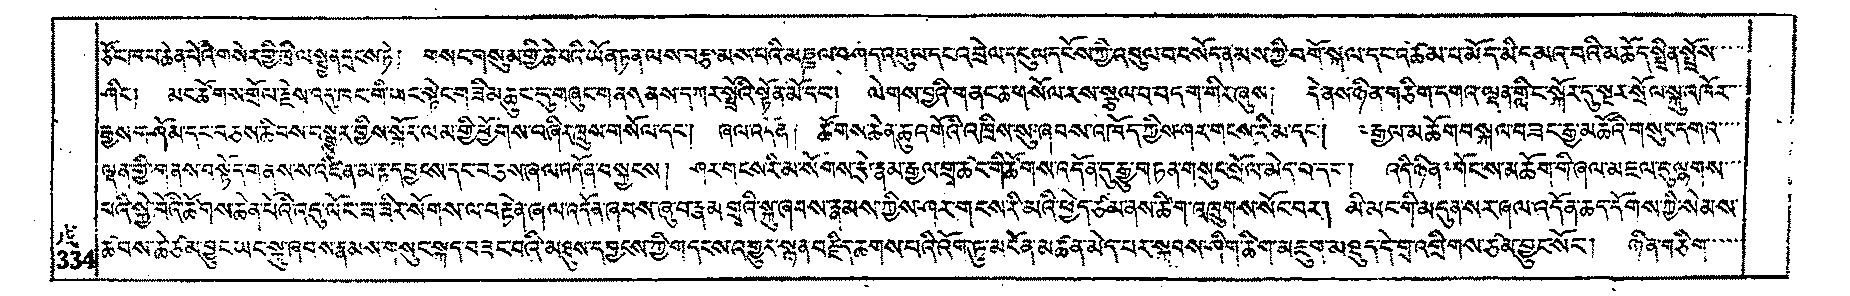ཙོང་ཁ་པ་ཆེན་པོའི་གསེར་གྱི་ཁྲི་ལ་སྤྱན་དྲངས་ཏེ། གསང་གསུམ་གྱི་ཆེ་བའི་ཡོན་ཏན་ལས་བརྩམས་པའི་མཎྜལ་བཤད་འབུལ་དང་འབྲེལ་དངུལ་དངོས་ཀྱི་འབུལ་བ་བསོད་ནམས་ཀྱི་བགོ་སྐལ་དང་འཚམ་པ་མོ་དྲ་མི་དམའ་བའི་མཆོད་སྤྲིན་སྤྲོས་
ཤིང་། མང་ཚོགས་གྲོལ་རྗེས་འདུ་ཁང་གི་ཡང་སྟེང་གཟིམ་ཆུང་དུ་གཞུང་གནས་ནས་དཀར་སྤྲོའི་སྟོན་མོ་དང་། ལེགས་བྱའི་གནང་ཆ་གསོལ་རས་སྩལ་བ་བདག་གིར་ཞུས། དེ་ནས་ཉིན་གཅིག་དགའ་ལྡན་གླིང་སྐོར་དུ་སྔར་སྲོལ་སྐུ་འཁོར་
རྒྱས་གཤོམ་དང་བཅས་ཆིབས་བསྒྱུར་གྱིས་སྐོར་ལམ་གྱི་ཕྱོགས་བཞིར་ཁྲུས་གསོལ་དང་། ཞལ་འདོན། ཚོགས་ཆེན་ཆུ་འགོའི་འཁྲིས་སུ་༧ཞབས་འཁོད་ཀྱིས་ཤར་གངས་རི་མ་དང་། ༧རྒྱལ་མཆོག་བསྐལ་བཟང་རྒྱ་མཚོའི་གསུང་དགའ་
ལྡན་གྱི་གནས་བསྟོད་གནས་ས་འཛིན་མ་རྟ་དབྱངས་དང་བཅས་ཞལ་འདོན་བསྐྱངས། ཤར་གངས་རི་མ་སོགས་རྩེ་རྣམ་རྒྱལ་གྲྭ་ཚང་གི་ཚོགས་འདོན་དུ་རྒྱུ་གཏན་གསུང་སྲོལ་མེད་པ་དང་། འདི་ཉིན་༧གོང་ས་མཆོག་གི་ཞལ་མཇལ་དུ་ལྷགས་
པའི་སྐྱེ་བོའི་ཚོགས་ཆེན་པོའི་འདུ་ལོང་ཟ་ཟིར་སོགས་ལ་བརྟེན་ཞལ་འདོན་ཞབས་ཞུ་བ་རྣམ་གྲྭའི་སྐུ་ཞབས་རྣམས་ཀྱིས་ཤར་གངས་རི་མའི་ཕྱེད་ཙམ་ནས་ཚིག་འཁྲུགས་སོང་བར། མི་མང་གི་མདུན་སར་ཞལ་འདོན་ཆད་དོགས་ཀྱི་སེམས་
ཚབས་ཆེ་ཙམ་བྱུང་ཡང་སྐུ་ཞབས་རྣམས་གསུང་སྐད་བཟང་བའི་མཐུས་དབྱངས་ཀྱི་གདངས་འགྱུར་སྙན་བརྗིད་ཆགས་པའི་འོག་ཏུ་མངོན་མཚན་མེད་པར་སྐབས་ཤིག་ཚིག་མཇུག་མཐུད་དེ་གྲ་འགྲིགས་ཙམ་བྱུང་སོང་། ཉིན་གཅིག་